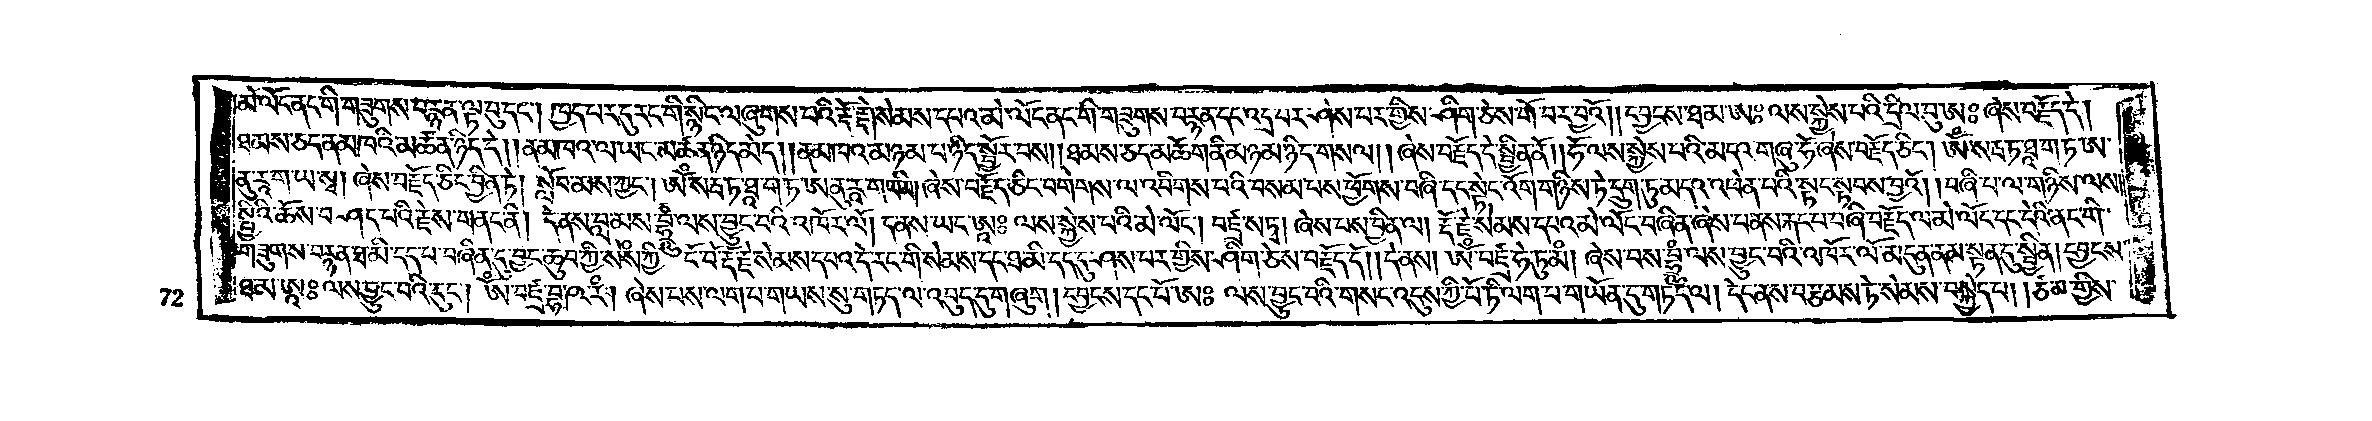མེ་ལོང་ནང་གི་གཟུགས་བརྙན་ལྟ་བུ་དང་། ཁྱད་པར་དུ་རང་གི་སྙིང་ལ་ཞུགས་པའི་རྡོ་རྗེ། སེམས་དཔའ་མེ་ལོང་ནང་གི་གཟུགས་བརྙན་དང་འདྲ་བར་ཤེས་པར་གྱིས་ཤིག་ཅེས་གོ་བར་བྱའོ། །དབྱངས་ཐ་མ་ཨཿ ལས་སྐྱེས་པའི་དྲིལ་བུ་ཨཿ ཞེས་བརྗོད་དེ།
ཐམས་ཅད་ནམ་མཁའི་མཚན་ཉིད་དེ། །ནམ་མཁའ་ལ་ཡང་མཚན་ཉིད་མེད། །ནམ་མཁའ་མཉམ་པ་ཉིད་སྦྱོར་བས། །ཐམས་ཅད་མཆོག་ནི་མཉམ་ཉིད་གསལ། །ཞེས་བརྗོད་དེ་སྦྱིན་ནོ། །ཧོ་ལས་སྐྱེས་པའི་མདའ་གཞུ་ཧོ་ཞེས་བརྗོད་ཅིང་། ཨོཾ་སརྦ་ཏ་ཐཱ་ག་ཏ་ཨ་
ནུ་རཱ་ག་ཡ་སྭ། ཞེས་བརྗོད་ཅིང་བྱིན་ཏེ། སློབ་མས་ཀྱང་། ཨོཾ་སརྦ་ཏ་ཐཱ་ག་ཏ་ཨ་ནུ་རཱ་གཡི་མ།?  ཞེས་བརྗོད་ཅིང་བགེགས་ལ་འབིགས་པའི་བསམ་པས་ཕྱོགས་བཞི་དང་སྟེང་འོག་གཉིས་ཏེ་དྲུག་ཏུ་མདའ་འཕེན་པའི་སྟང་སྟབས་བྱའོ། །བཞི་པ་ལ་གཉིས་ལས།
སྤྱིའི་ཆོས་བཤད་པའི་རྗེས་གནང་ནི། དེ་ནས་བླ་མས་བྷྲཱུཾ་ལས་བྱུང་བའི་འཁོར་ལོ། དེ་ནས་ཡང་ཨཱཿ ལས་སྐྱེས་པའི་མེ་ལོང་། བྫྲ་སཏVཨ། ཞེས་པས་བྱིན་ལ། རྡོ་རྗེ་སེམས་དཔའ་མེ་ལོང་བཞིན་ཞེས་པ་ནས་རྐང་པ་བཞི་བརྗོད་ལ་མེ་ལོང་དང་དེའི་ནང་གི་
གཟུགས་བརྙན་ཐ་མི་དད་པ་བཞིན་དུ་བྱང་ཆུབ་ཀྱི་སེམས་ཀྱི་ངོ་བོ་རྡོ་རྗེ་སེམས་དཔའ་དེ་རང་གི་སེམས་དང་ཐ་མི་དད་དུ་ཤེས་པར་གྱིས་ཤིག་ཅེས་བརྗོད་དོ། །དེ་ནས། ཨོཾ་བྫྲ་ཧེ་ཏུ་མཾ། ཞེས་པས་བྷྲཱུཾ་ལས་བྱུང་བའི་འཁོར་ལོ་མདུན་ནམ་སྟན་དུ་སྦྱིན། དབྱངས་
ཐ་མ་ཨཱཿ ལས་བྱུང་བའི་རུང་། ཨོཾ་བྫྲ་བྷ་ཥ་རཾ། ཞེས་པས་ལག་པ་གཡས་སུ་གཏད་ལ་འབུད་དུ་གཞུག །དབྱངས་དང་པོ་ཨཿ ལས་བྱུང་བའི་གསང་འདུས་ཀྱི་པོ་ཏི་ལག་པ་གཡོན་དུ་གཏད་ལ། དེང་ནས་བརྩམས་ཏེ་སེམས་བསྐྱེད་པ། །ཙམ་གྱིས་